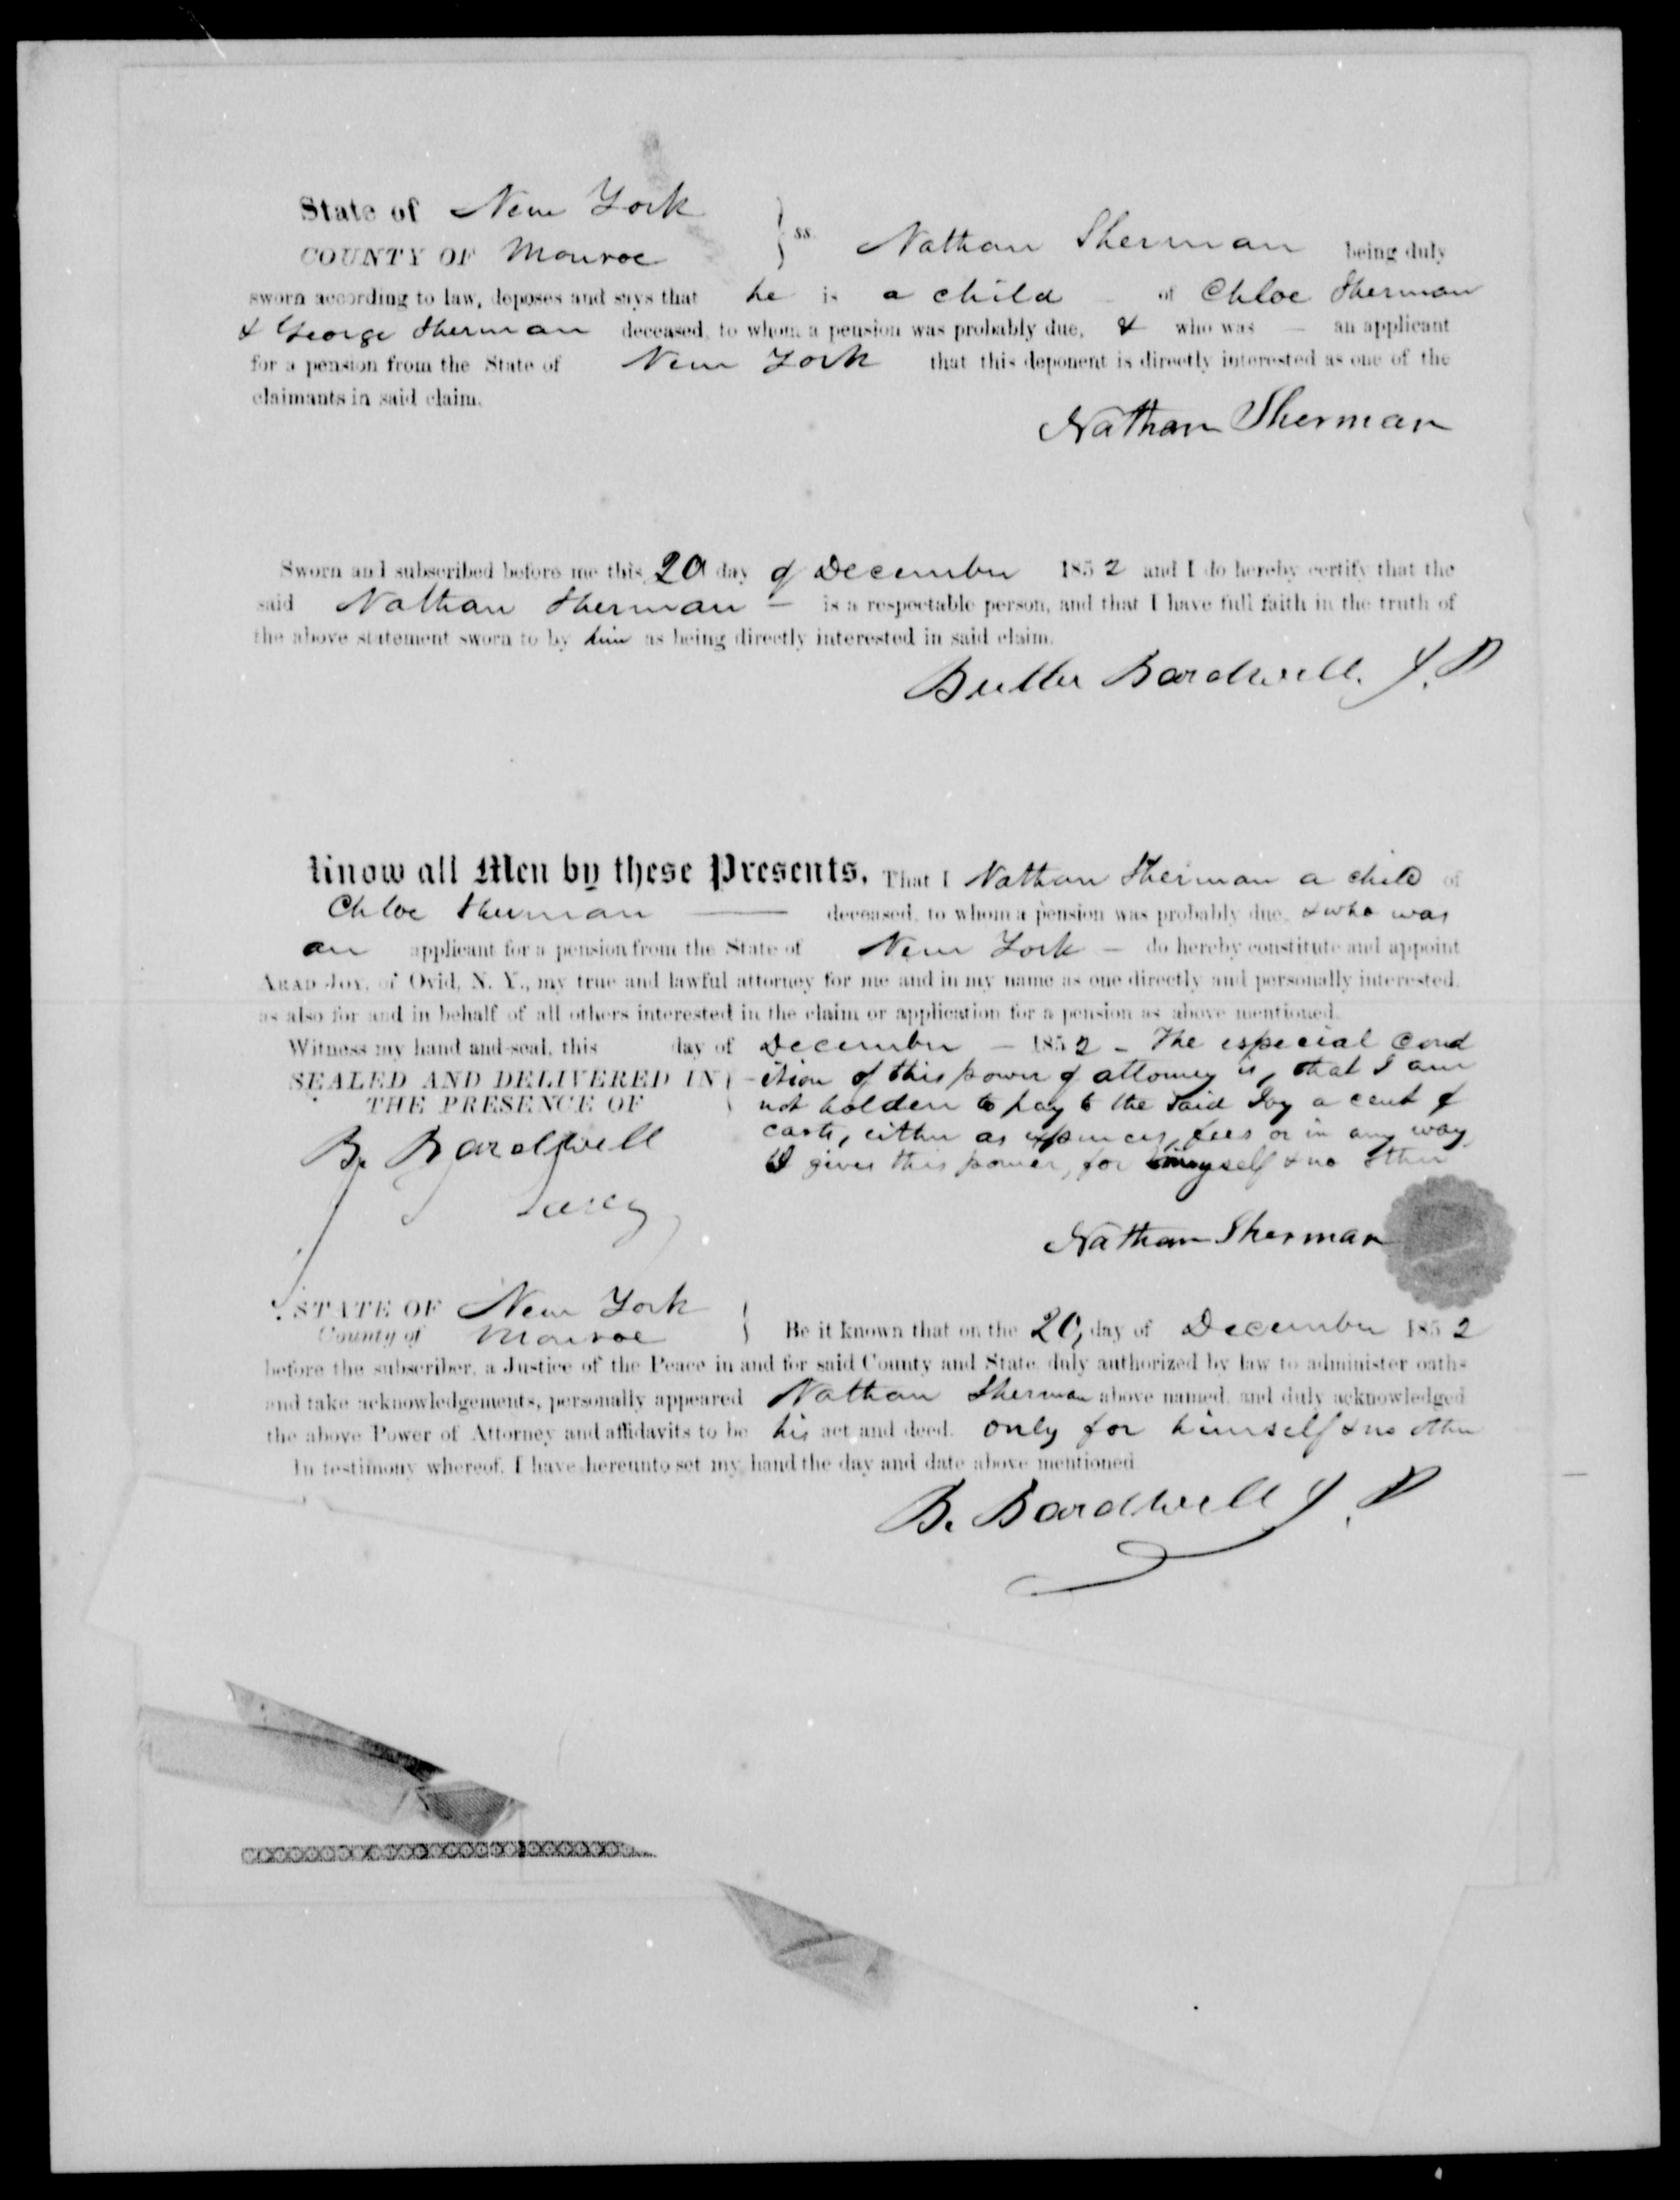State of New York
County of Monroe
Nathan Sherman being duly sworn according to law, deposes and says that he is a child of Chloe Sherman of George Sherman deceased, to whom a pension was probably due, of who was - an applicant for a pension from the State of New York that this deponent is directly interested as one of the claimants in said claim. 
Nathan Sherman
Sworn and subscribed before me this 20 day of December 1862 and I do hereby certify that the said Nathan Sherman is a respectable person, and that I have full faith in the truth of the above statement sworn to by him as being directly interested in said claim. 
Butte Bardwell J.P.
[now] all [men' by these presents, that I Nathan Sherman a child of Chloe Sherman deceased to whom a pension was probably due, [&] who was an application for a pension from the State of New York - do hereby constitute and appoint Arad Joy, of Ovid N.Y. my true and lawful attorney for me and in my name as one directly and personally interested as also for and in behalf of all others interested in the claim or applicant for a pension as above mentioned. 
Witness my hand and seal, this [blank] day of December -1852 SEALED AND DELIVERED THE PRESENCE OF B Bardwell - The especial condition of this power of attorney is, that I am the not holden to pay to the said Joy a cent & v, either as expenses, fees or in any way, I give this power, for myself & no other 
Nathan Sherman


State of New York  }
County of Monroe }
Be it known that on the 20, day of December 1852 before the subscriber, a Justice of the Peace in and for said County and State duly authorized by law to administer oaths and take acknowledgements, personally appeared Nathan Sherman above named and duly acknowledged the above Power of Attorney and affidavits to be his act and deed.  Only for himself & no other
In testimony whereof I have hereunto set my hand the day and the date above mentioned. 
B. Bardwell J.P.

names: Nathan Sherman; Nathan Sherman; B Bardwell; Nathan Sherman; Butler Bardwell; Nathan Sherman; Chloe Sherman; B Bardwell; Chloe Sherman; George Sherman; Nathan Sherman; [BLANK] Joy; Nathan Sherman; Arad Joy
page: 3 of 52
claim: rejected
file: R. 9493, for George Sherman, Vermont